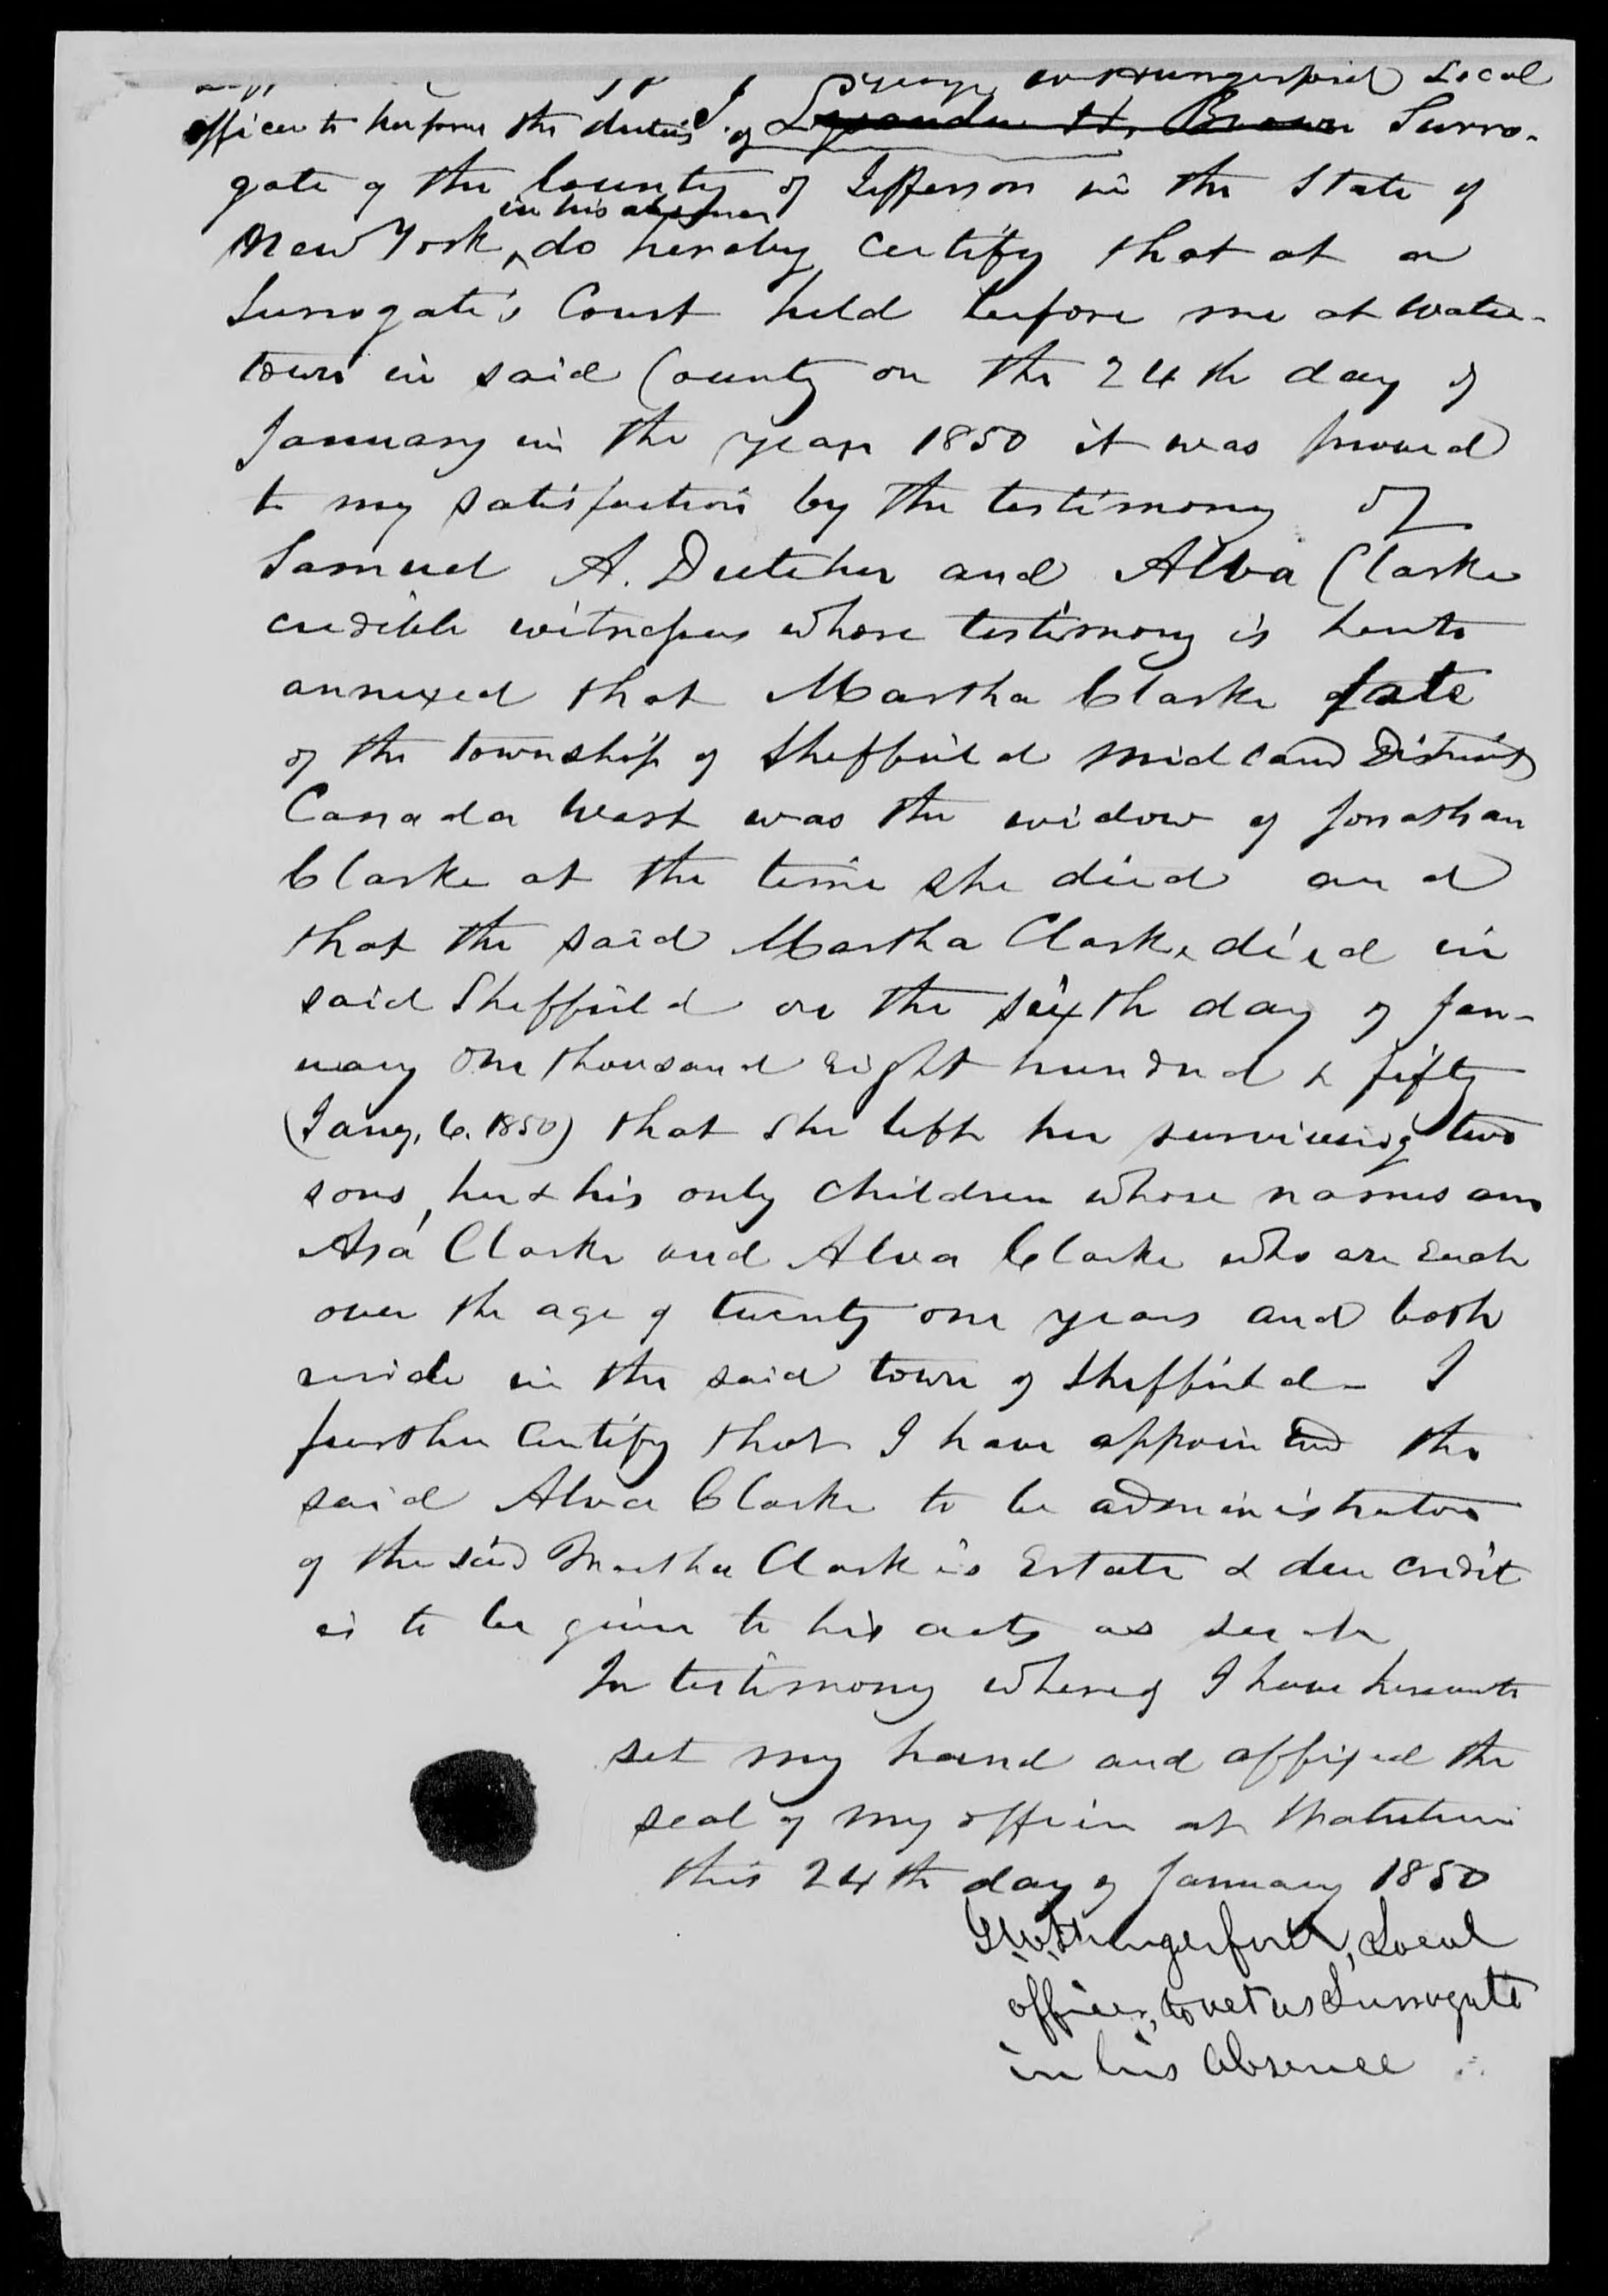18 
[illegible? - Berry Hungerford Local]
officer to perform the duties of Brown Surro --- 
gate of the County of Jefferson in the State of 
New York in his absence do hereby certify that at a 
Surrogate's Court held before me at Watertown 
in said County on the 24th day of 
January in the year 1850 it was proved 
to my satisfaction by the testimony of 
Samuel A. Dutcher and Alba Clarke 
credible witnesses whose testimony is hereto 
annexed that Martha Clarke late 
of the township of Sheffield Midland District 
Canada West was the widow of Jonathan 
Clarke at the time she died and 
that the said Martha Clarke died in 
said Sheffield on the sixth day of January 
one thousand Eight hundred & fifty 
(Jany. 6, 1850) that she left her surviving two 
sons, her + [and] his only children whose names are 
Asa Clarke and Alva Clarke who are each 
over the age of twenty one years and both 
reside in the said town of Sheffield. I 
further certify that I have appointed the 
said Alva Clarke to be administrator 
of the said Martha Clarke's estate & due credit 
is to be given to his acts as such 
In testimony whereof I have hereunto 
set my hand and affixed the 
seal of my office at [illegible] 
this 24th day of January 1850 
Grangerford, Local 
officer over us Surrogate 
in his absence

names: Jonathan Clarke, Asa Clarke, George W Hungerford, Samuel A Dutcher, G W Hungerford, Alva Clarke, Alva Clarke, Alva Clarke, Martha Clark, Martha Clarke, Martha Clarke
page: 16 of 26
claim: rejected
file: R. 2001, Jonathan Clark, Conn.